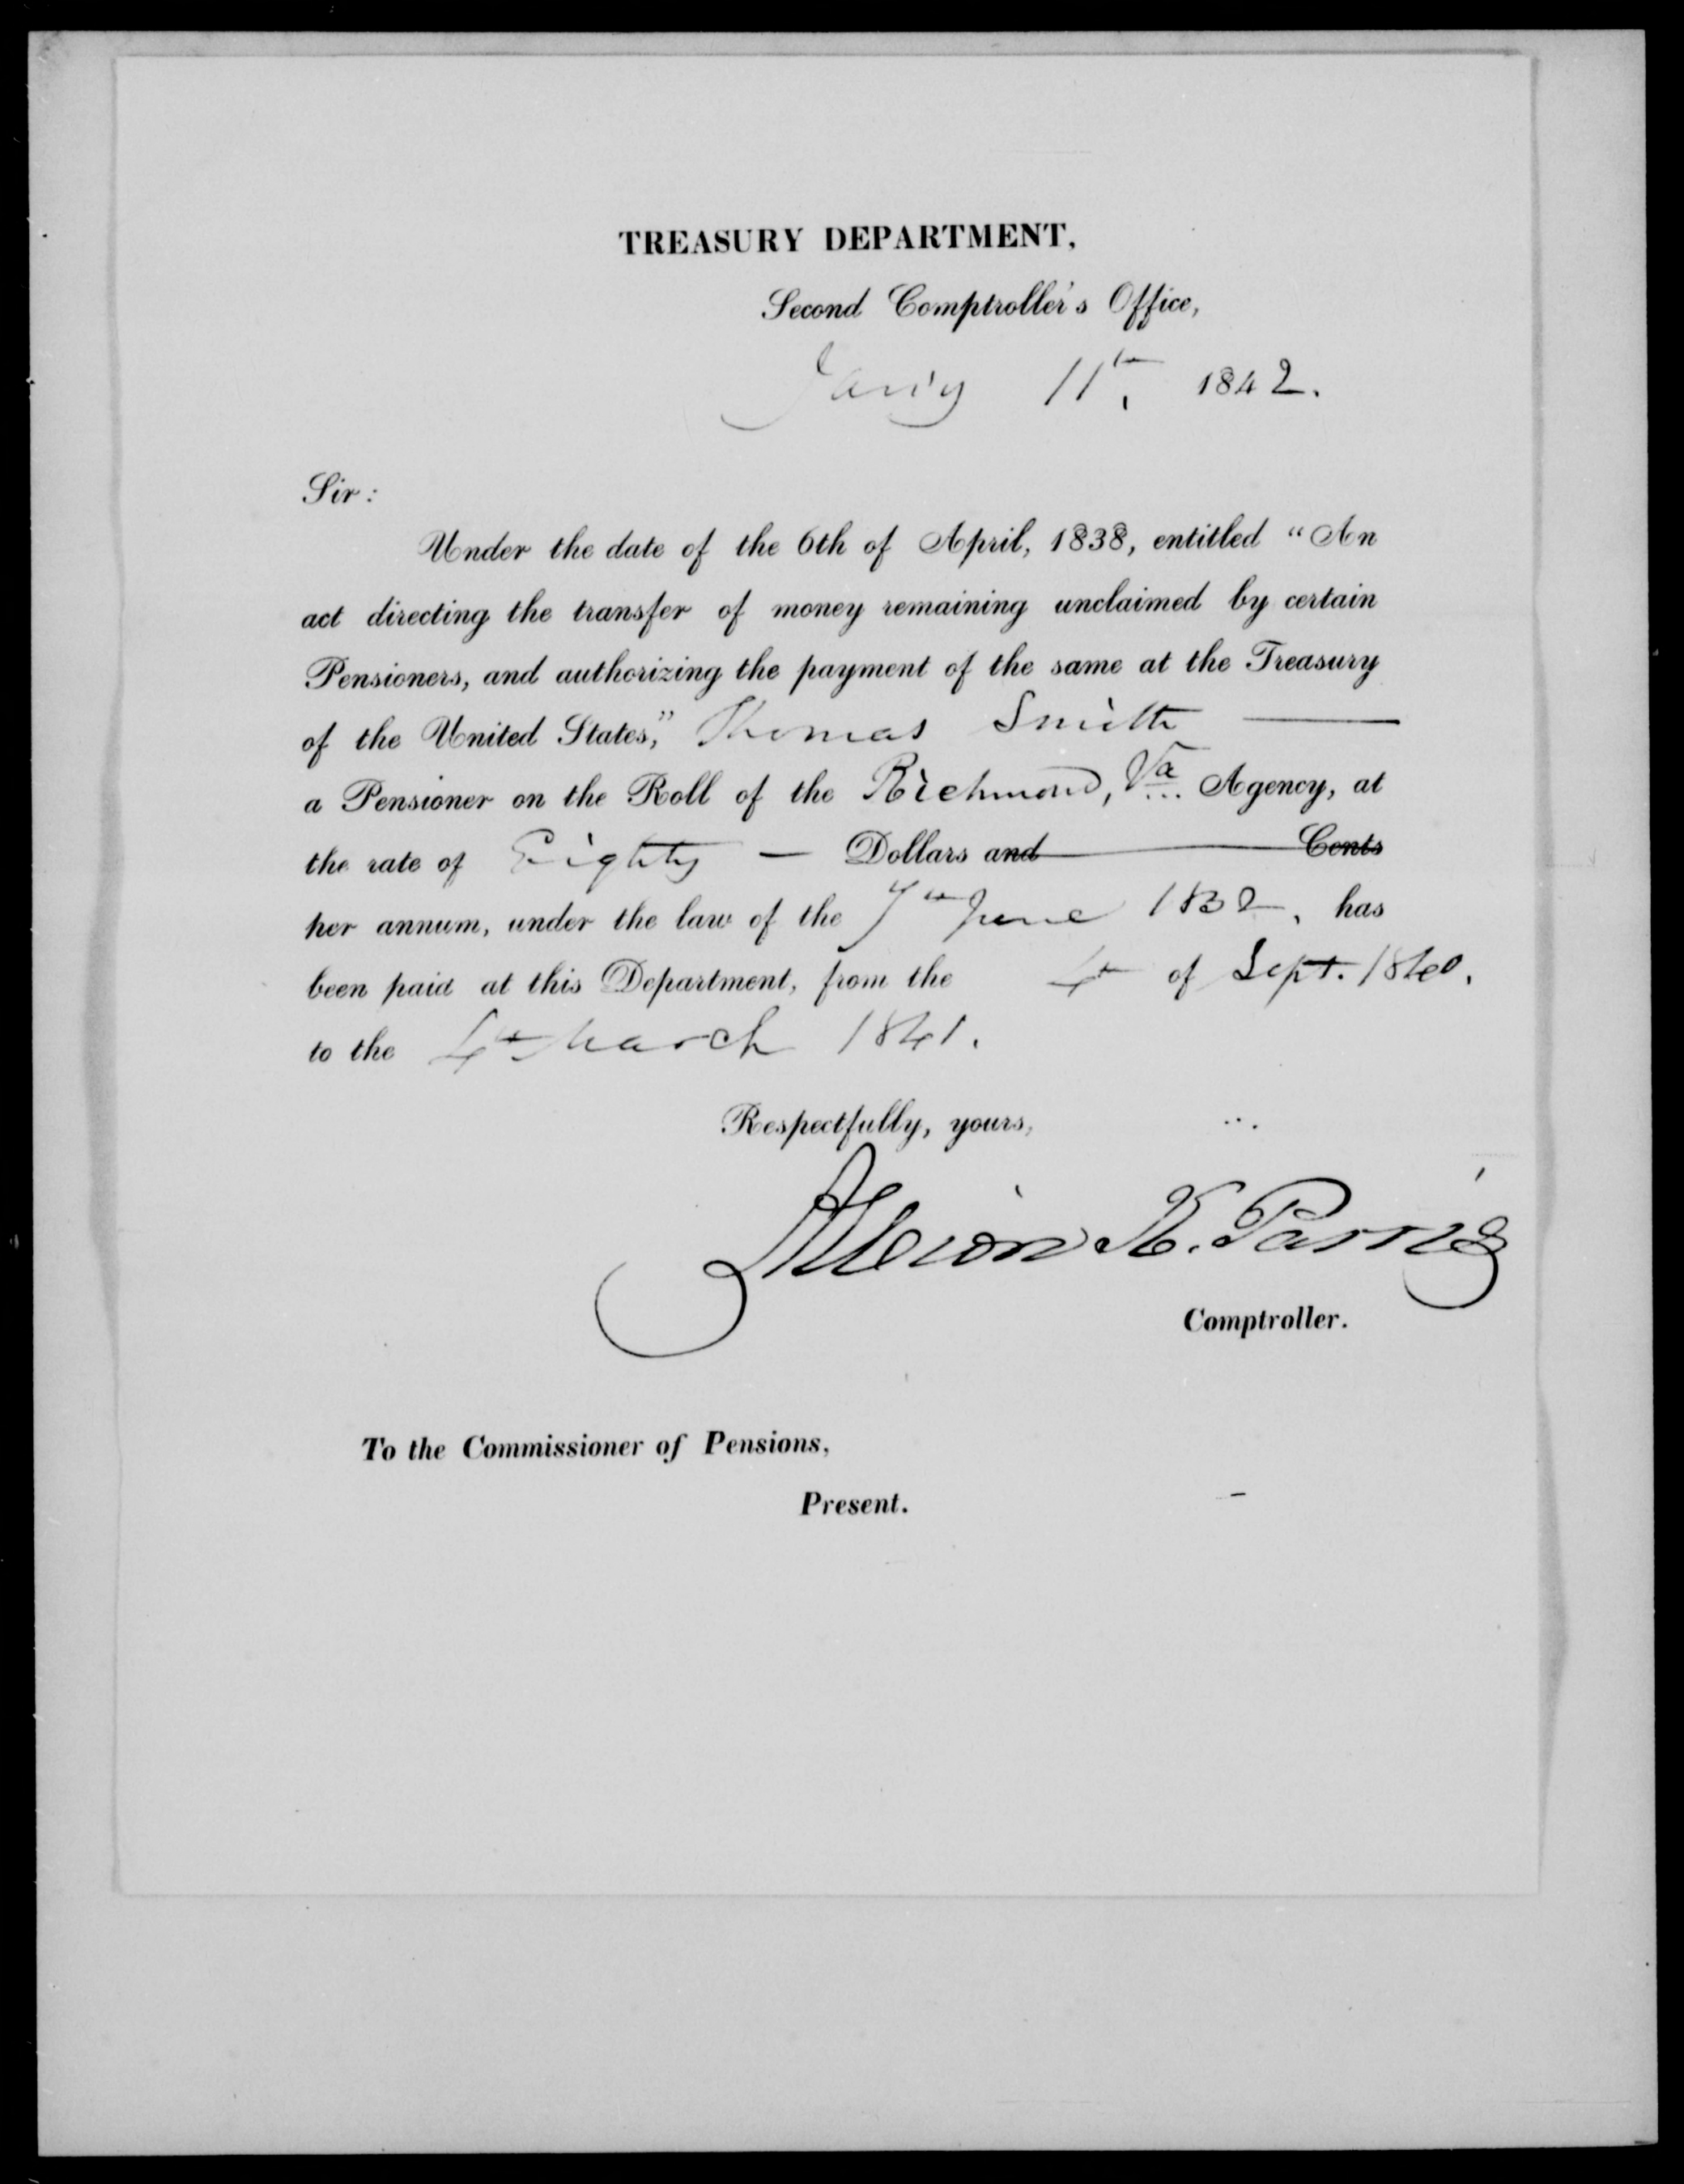TREASURY DEPARTMENT.
Second Comptroller's Office,
Jany 11th, 1842.

Sir:
Under the act of the 6th of April, 1838 entitled "An act directing the transfer of money remaining unclaimed by certain Pensioners, and authorizing the payment of the same at the Treasury of the United States," Thomas Smith - a Pensioner on the Roll of the Richmond, Va., Agency, at the rate of Eighty - Dollars per annum, under the law of the 7th June, 1832, has been paid at this Department from the 4th of Sept. 1840, to the 4th March, 1841.
Respectfully, yours,
Albion K. Parris
Comptroller.

To the Commissioner of Pensions,
Present.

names: Albion K Parris; Thomas Smith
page: 18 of 23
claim: survivor's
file: S. 6,125, for Thomas Smith, Virginia